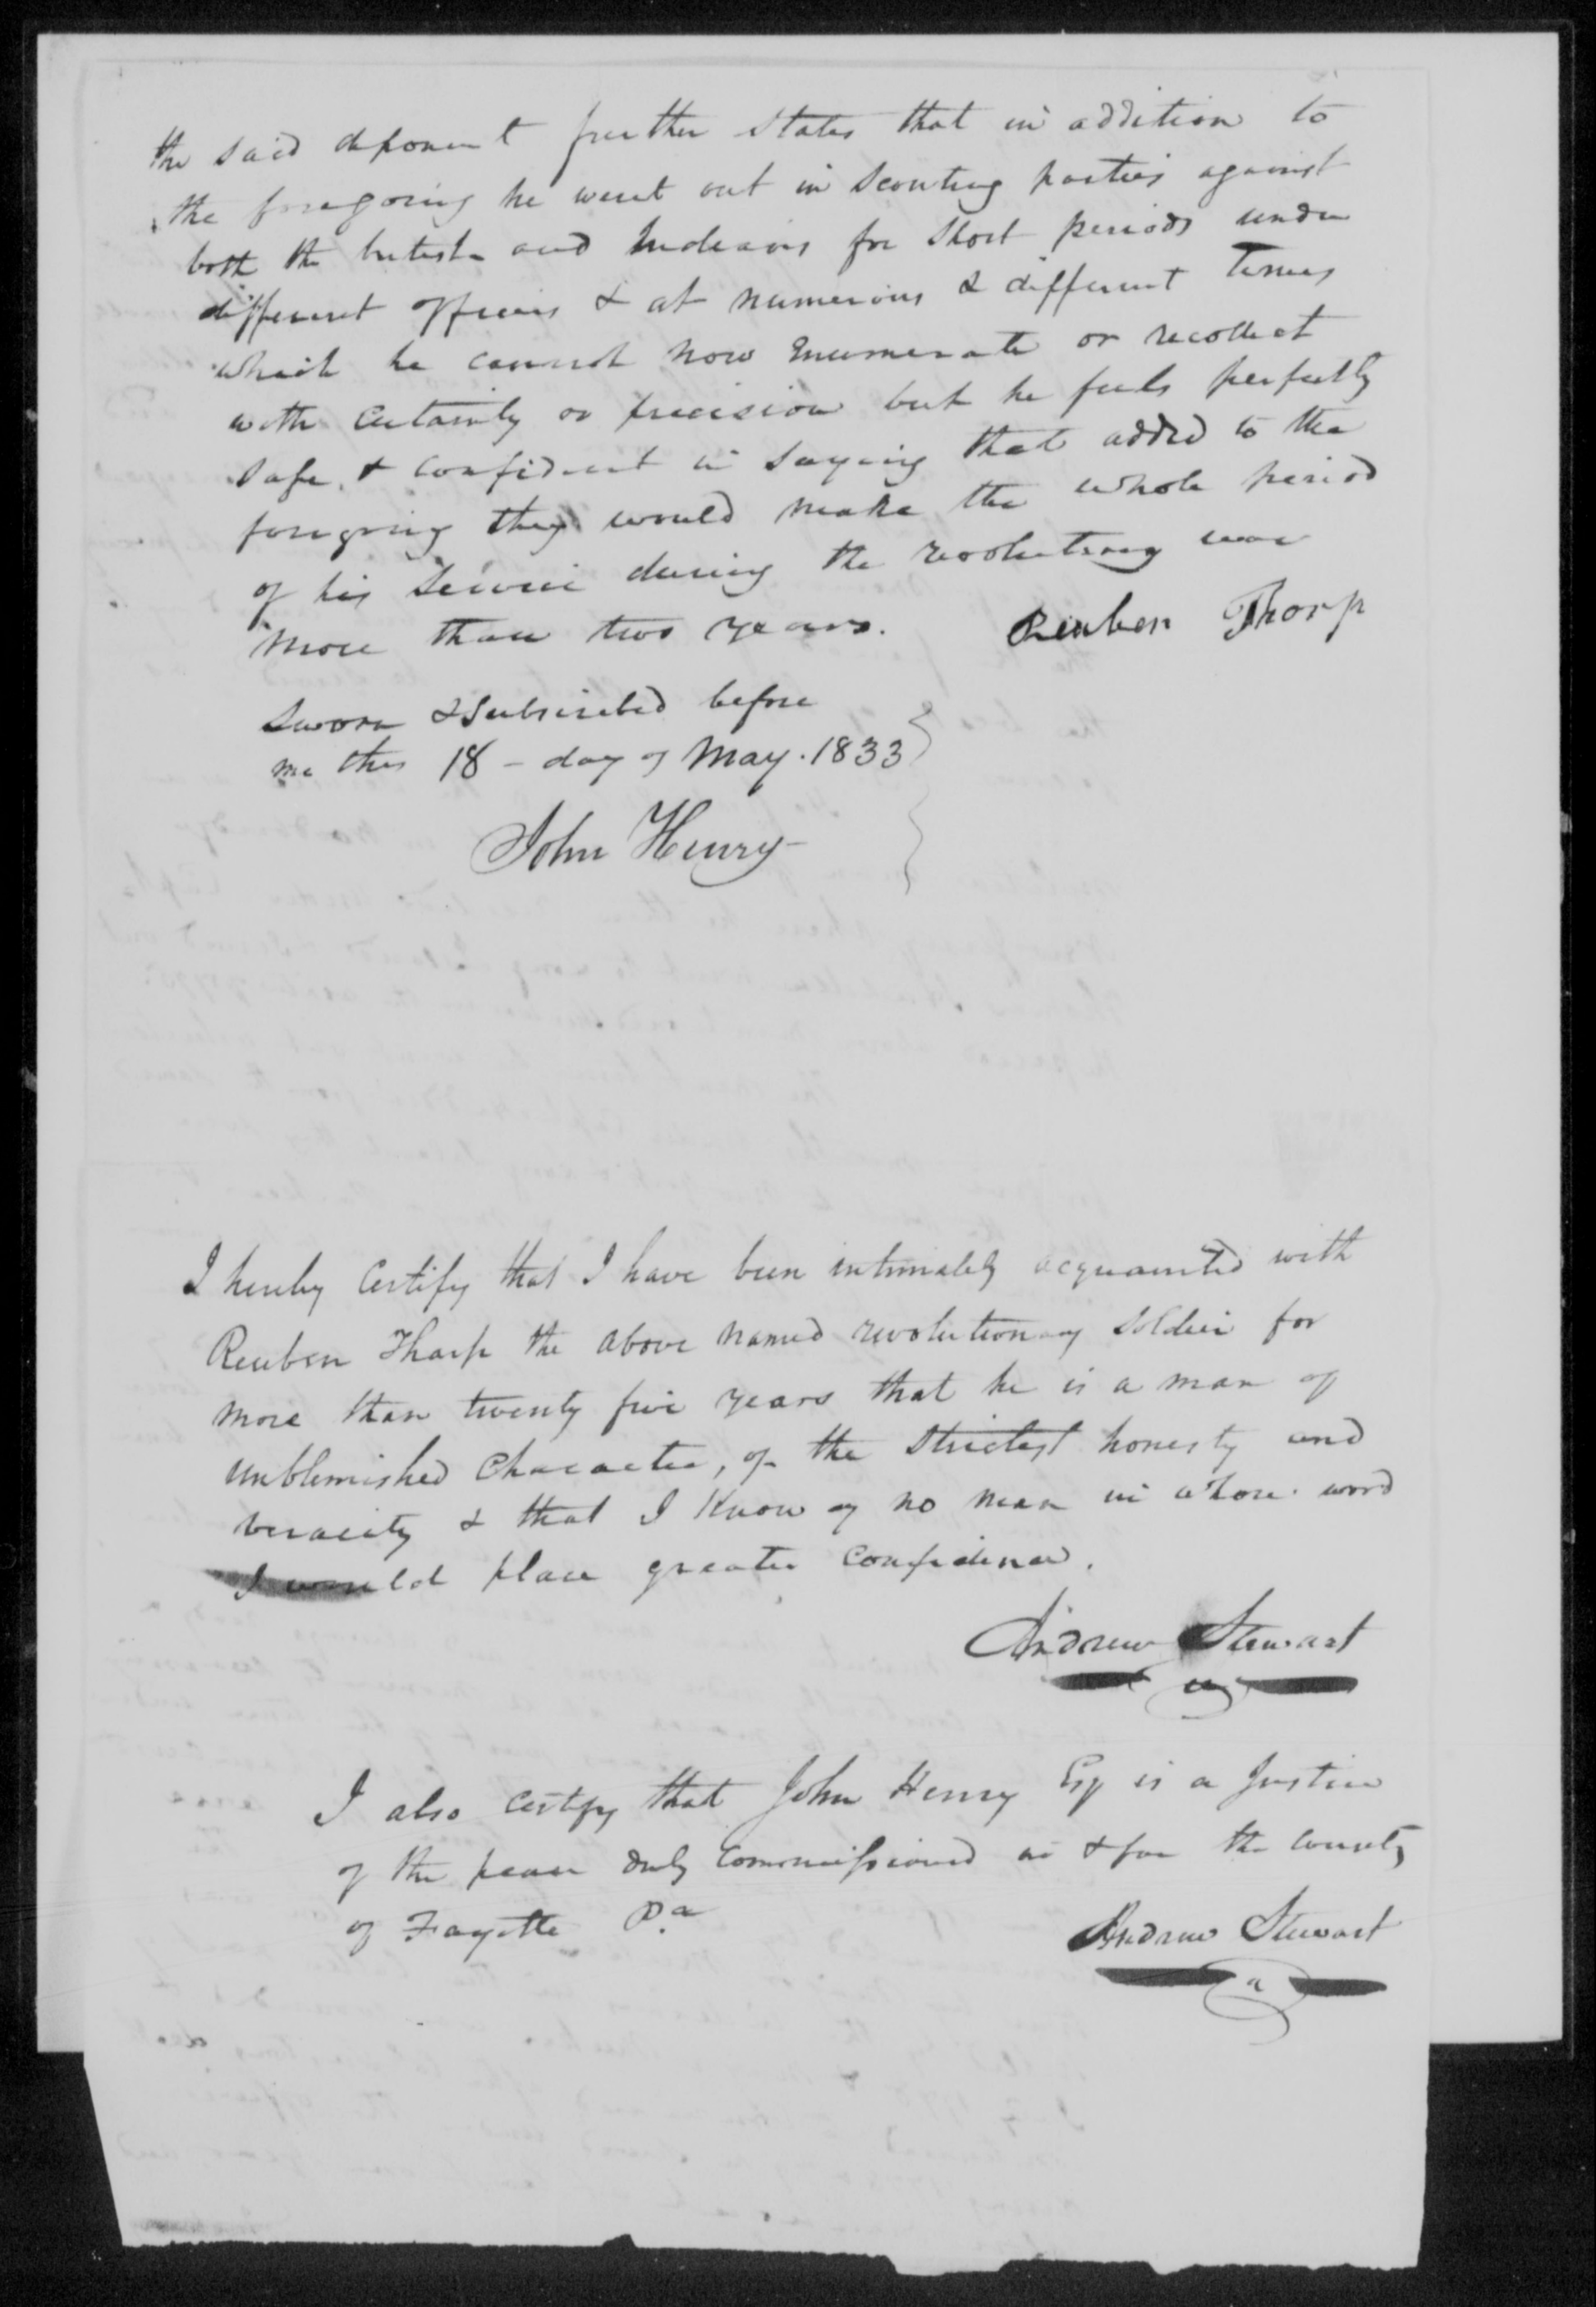the said deponent further states that in addition to
the foregoing he went out in scouting parties against
both the british and Indians for short periods under
different officers & at numerous & different times
which he cannot now enumerate or recollect
with certainty or precision but he feels perfectly
safe & confident in saying that added to the
foregoing they would make the whole period
of his service during the revolutionary war
more than two years.
Reuben Thorp
Sworn & subscribed before }
me this 18" day of May 1833 }
John Henry

I hereby certify that I have been intimately acquainted with
Reuben Thorp the above named revolutionary Soldier for
more than twenty five years that he is a man of
unblemished character of the strictest honesty and
veracity & that I know of no man in whose word
I would place greater confidence.
Andrew Stewart

I also certify that John Henry Esq is a Justice
of the peace duly commissioned in & for the County
of Fayette Pa.
Andrew Stewart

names: John Henry; John Henry; Andrew Stewart; Reuben Thorp; Andrew Stewart; Reuben Tharp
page: 24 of 28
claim: survivor's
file: S. 6229, for Reuben Thorp, New Jersey